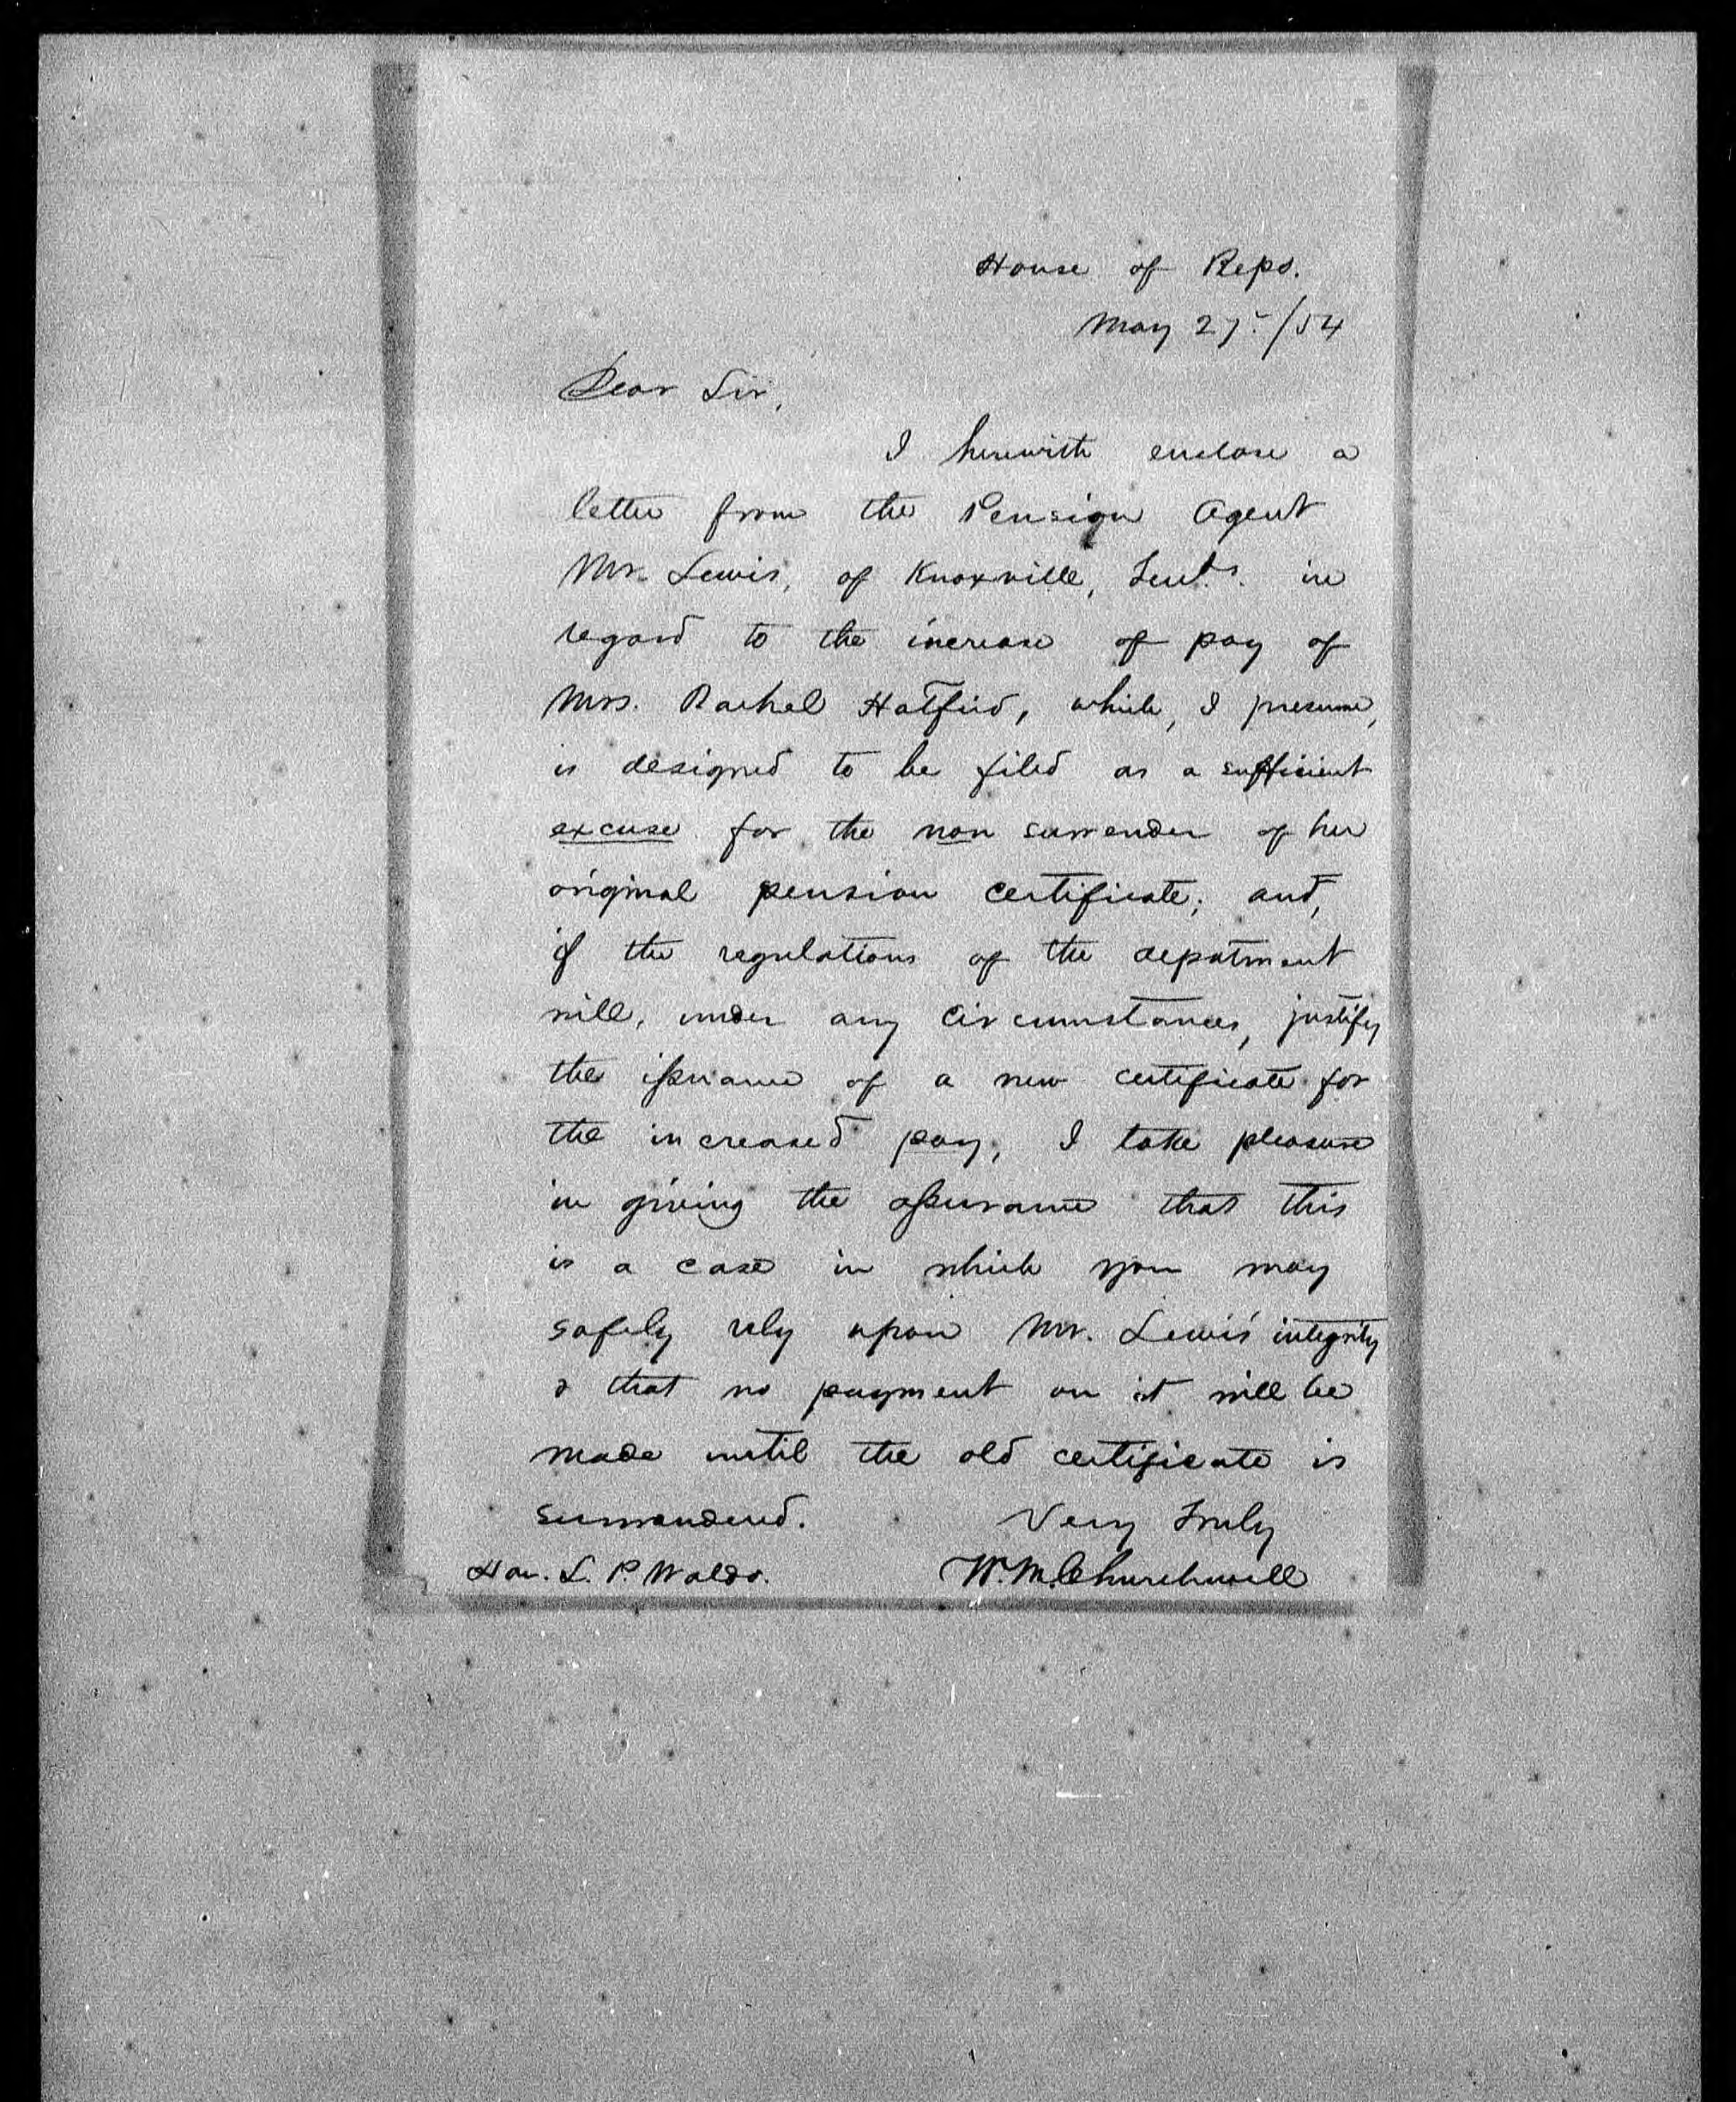House of Reps.
May 27/54
Dear Sir,
I herewith enclose a
letter from the Pension Agent
Mr. Lewis, of Knoxville, Tenn. in 
regard to the increase of pay of
Mrs. Rachel Hatfield, while, I presume, 
is designed to be filed as a sufficient
excuse for the non surrender of her
original pension Certificate; and,
if the regulations of the department
will, under any circumstances, justify
the issuance of a new certificate for
the increased pay, I take pleasure
in giving the assurance that this
is a case in which you may
safely rely upon Mr. Lewis' integrity
& that no payment on it will be
made until the old certificate is
surrendered.
Very Truly
W. M. Churchwell
Hon L. P. Waldo.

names: W M Churchwell, L P Waldo, Lewis, Rachel Hatfield, Lewis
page: 37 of 74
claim: widow's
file: W. 5, Joseph Hatfield, Va.